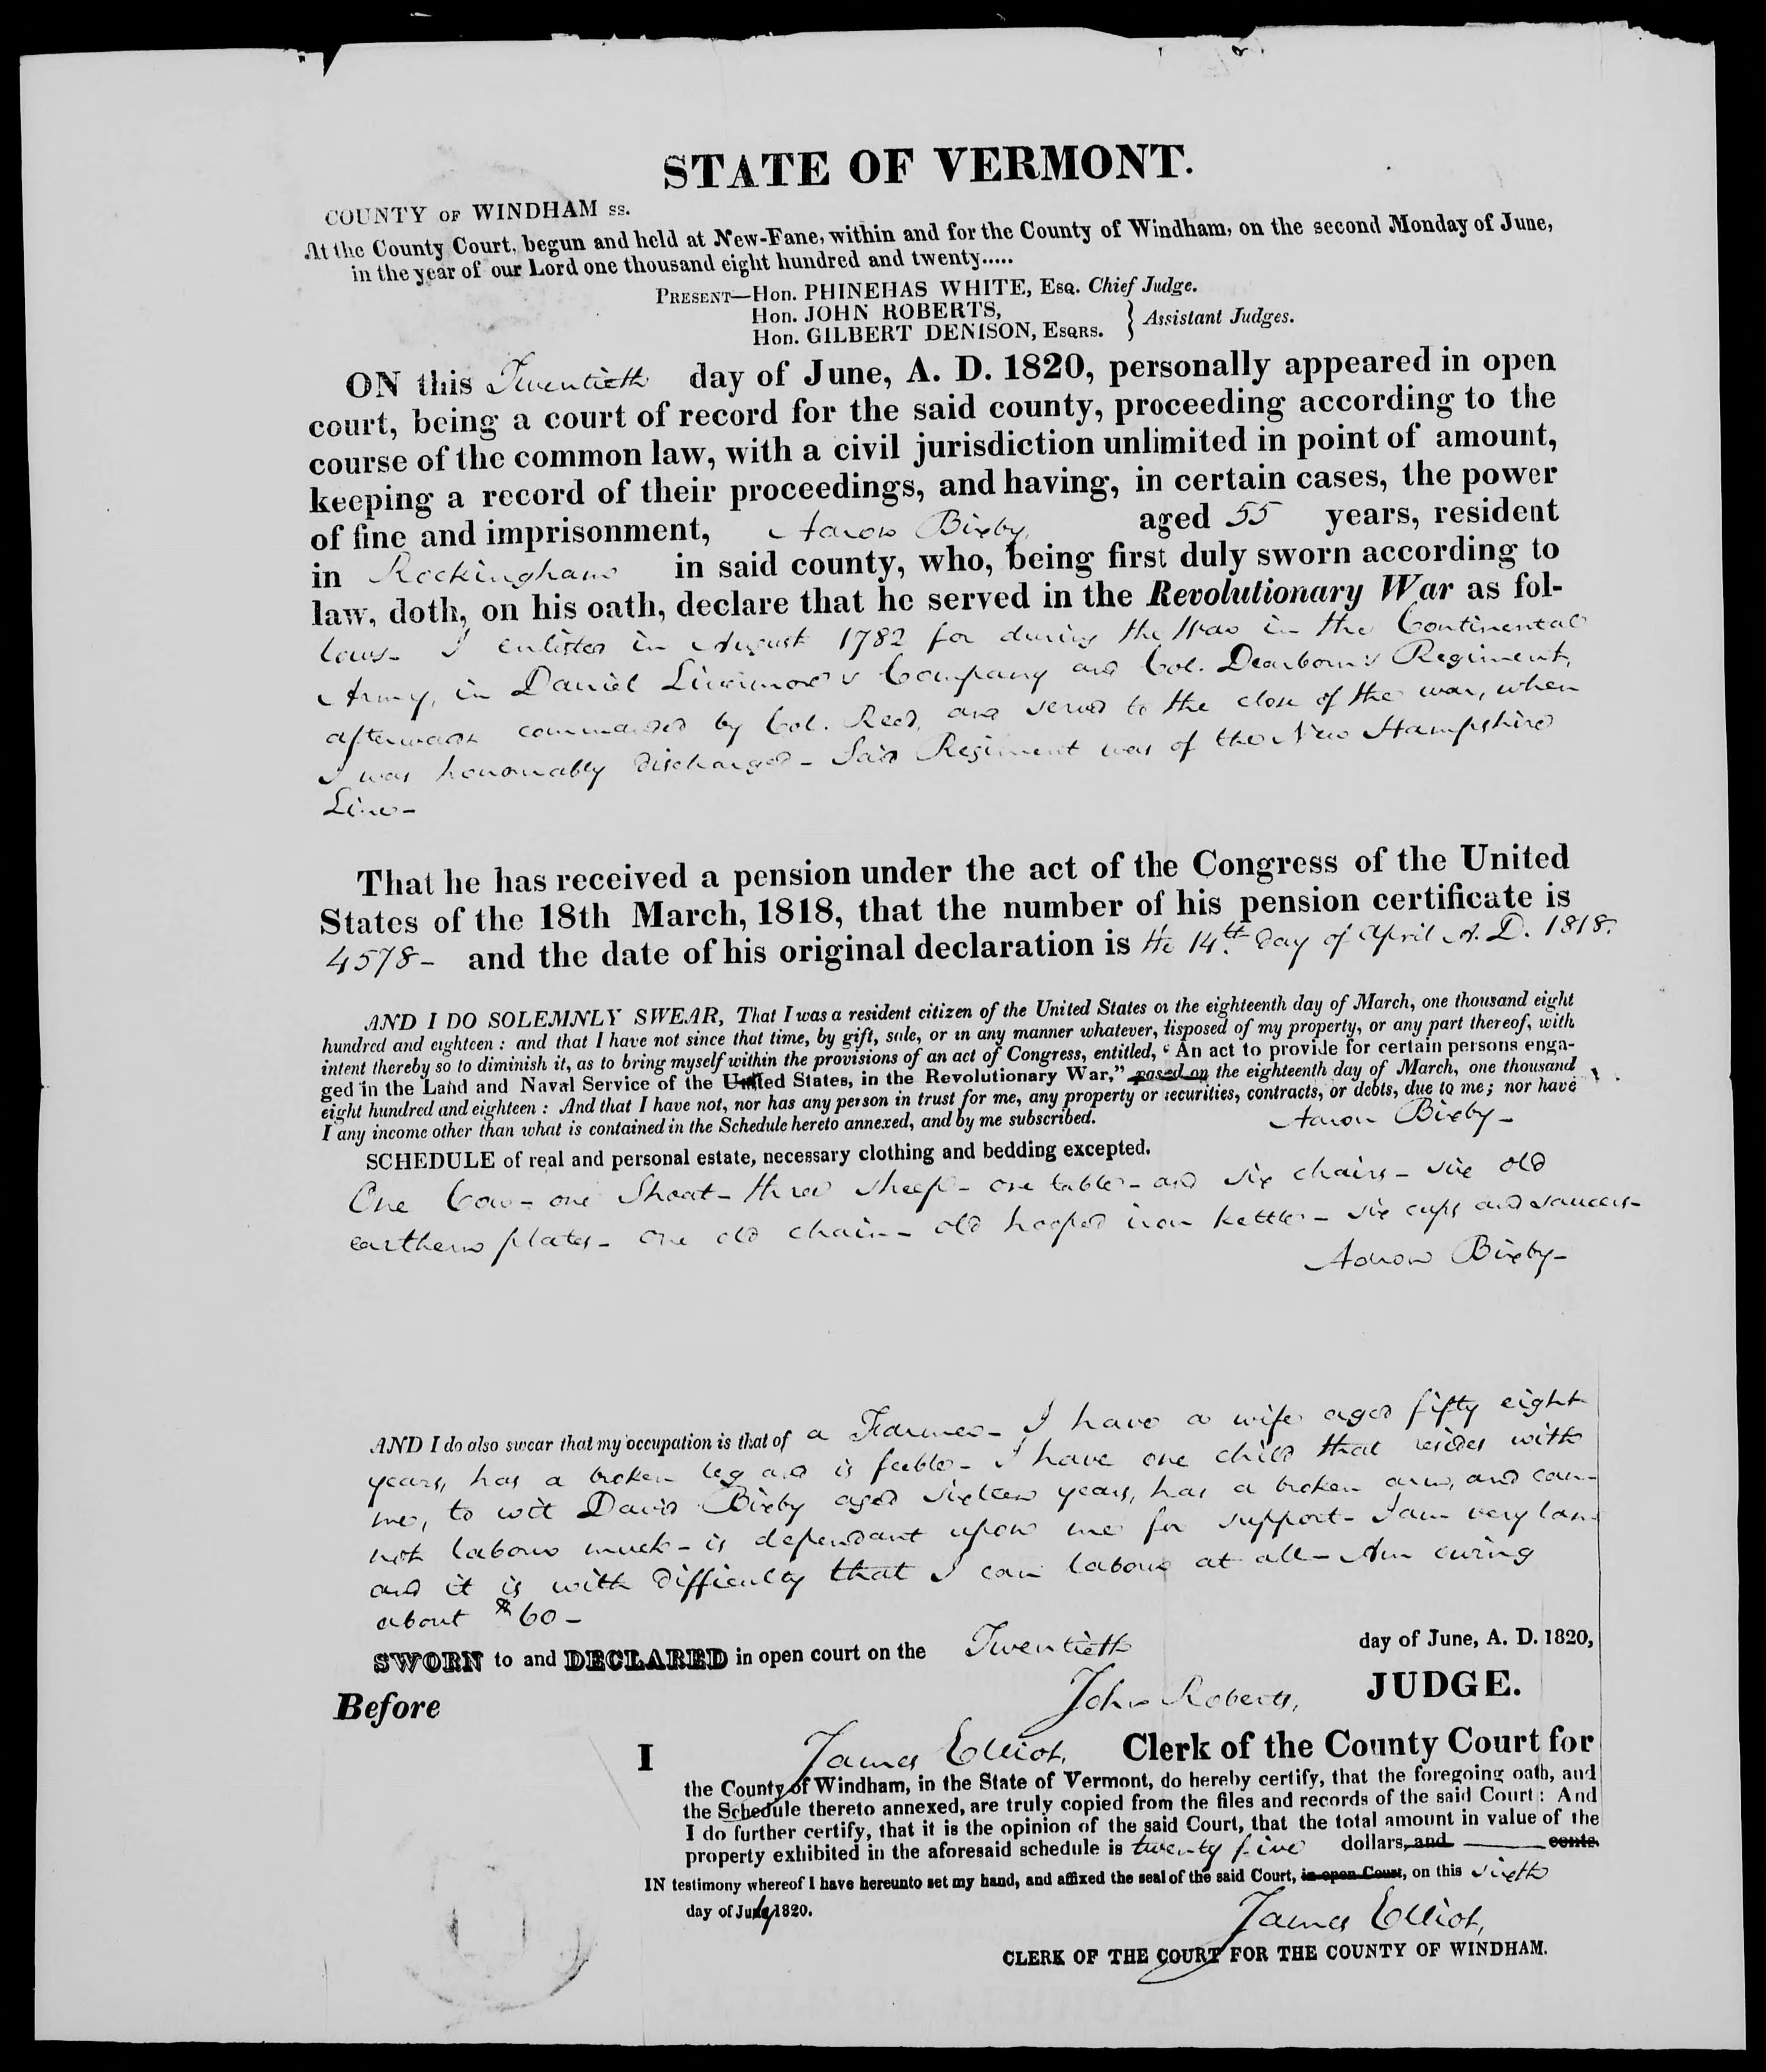STATE OF VERMONT.
COUNTY OF WINDHAM ss.

At the County Court, begun and held at New-Fane, within and for the County of Windham, on the second Monday of June, 
in the year of our Lord one thousand eight hundred and twenty.....

PRESENT--Hon. PHINEHAS WHITE, ESQ. Chief Judge
Hon. JOHN ROBERTS, }
Hon. GILBERT DENISON, ESQRS. } Assistant Judges

ON this Twentieth day of June, A. D. 1820, personally appeared in open 
court, being a court of record for the said county, proceeding according to the 
course of the common law, with a civil jurisdiction unlimited in point of amount, 
keeping a record of their proceedings, and having, in certain cases, the power 
of fine and imprisonment, Aaron Bixby aged 55 years, resident 
in Rockingham in said county, who, being first duly sworn according to 
law, doth on his oath, declare that he served in the Revolutionary War as fol
lows- I enlisted in August 1782 for during the war in the Continental 
Army in David Livermore's Company and Col. Dearborn's Regiment, 
afterwards commanded by Col. Reed, and served to the close of the war, when 
I was honorably discharged-Said Regiment was of the New Hampshire 
Line.

That he has received a pension under the Act of the Congress of the United 
States of the 18th March, 1818, that the number of his pension certificate is 
4578 and the date of his original declaration is the 14th day of April A.D. 1818.

AND I DO SOLEMNLY SWEAR, That I was a resident citizen of the United State on the eighteenth day of March, one thousand eight 
hundred and eighteen; and that I have not since that time, by gift, sale, or in any manner whatever, disposed of my property, or any part thereof, with 
intent thereby so to diminish it, as to bring myself within the provisions of an act of Congress, entitled, "An act to provide for certain persons enga
ged in the Land and Naval Service of the United States, in the Revolutionary War," passed on the eighteenth day of March, one thousand 
eight hundred and eighteen: And that I have not, nor has any person in trust for me, any property or securities, contracts, or debts, due to me; nor have 
I any income other than what is contained in the Schedule hereto annexed, and by me subscribed.  Aaron Bixby

SCHEDULE of real and personal estate, necessary clothing and bedding excepted.
One cow-one shoat-three sheep-one table-and six chairs-six old
earthen plates-one old chain-old hooped iron kettle-six cups and saucers.
Aaron Bixby

AND I do also swear that my occupation is that of a Farmer-I have a wife aged fifty eight 
years, has a broken leg and is feeble. I have one child that resides with 
me, to wit David Bixby aged sixteen years, has a broken arm, and can
not labour [labor] much, is dependent upon me for support.  I am very lame 
and it is with difficulty that I can labour [labor] at all. Am owing
about $60.

SWORN to and DECLARED in open court on the Twentieth day of June, A. D. 1820,
Before John Roberts JUDGE.

I James Elliot, Clerk of the County Court for 
the County of Windham, in the State of Vermont, do hereby certify, that the foregoing oath, and 
the Schedule thereto annexed, are truly copied from the files and records of the said Court: And 
I do further certify, that it is the opinion of the said Court, that the total amount in value of the 
property exhibited in the aforesaid schedule is twenty five dollars [struck out: , and [blank] cents.]
[Blurred seal of Court]
IN testimony whereof I have hereunto set my hand, and affixed the seal of the said Court, [struck out: in open Court,] on this sixth
day of Ju[struck out: ne] ly 1820.
James Elliot,
CLERK OF THE COURT FOR THE COUNTY OF WINDHAM.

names: John Roberts, John Roberts, Reed, Aaron Bixby, James Elliot, Gilbert Denison, James Elliot, David Bixby, Aaron Bixby, Phinehas White, Aaron Bixby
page: 6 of 17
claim: survivor's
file: S 41436, Aaron Bixby, N.H.